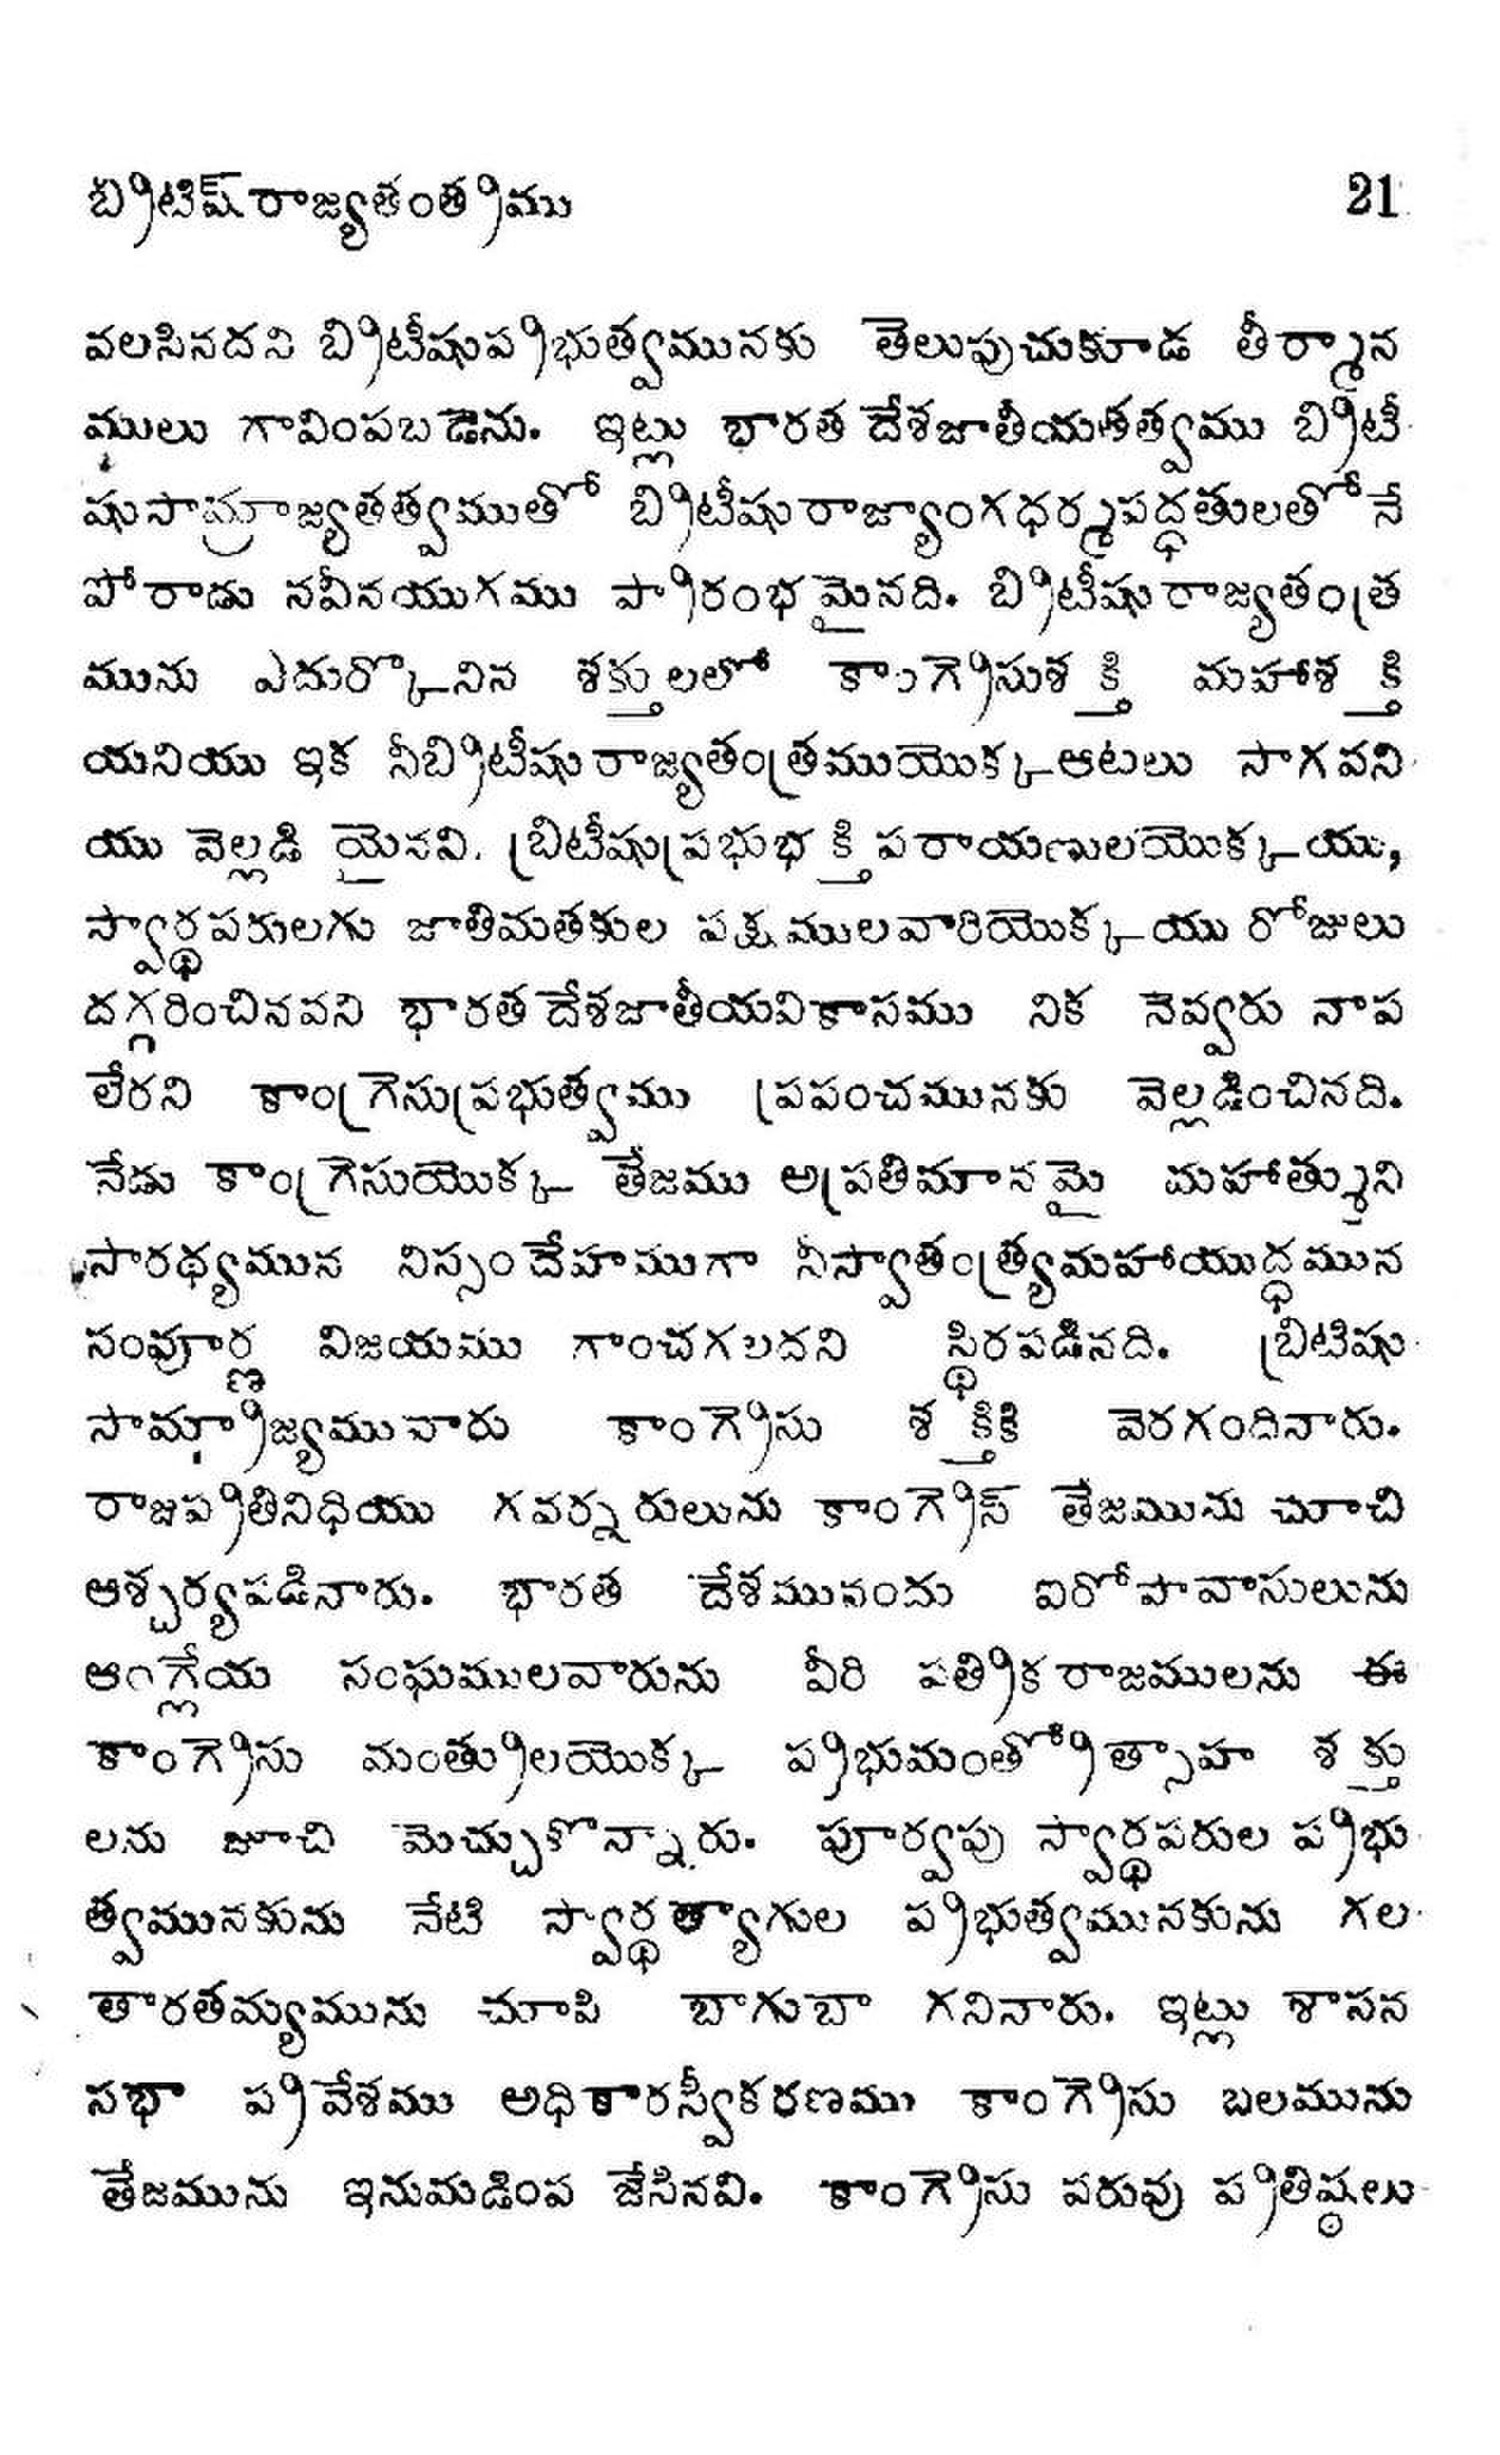వలసినదని బ్రిటీషుప్రభుత్వమునకు తెలుఫుచుకూడ తీర్మానములు గావింపబడెను. ఇట్లు భారతదేశ జాతీయతత్వము బ్రిటీషుసామ్రాజ్యతత్వముతో బ్రిటీషురాజ్యాంగధర్మపద్ధతులతోనే పోరాడు నవీనయుగము ప్రారంభమైనది. బ్రిటీషు రాజ్యతంత్రమును ఎదుర్కొనిన శక్తులలో కాంగ్రెసుశక్తి మహాశక్తియనియు ఇక నీబ్రిటీషురాజ్యతంత్రముయొక్క ఆటలు సాగవనియు వెల్లడి యైనని. బ్రిటీషుప్రభుభక్తి పరాయణులయొక్కయు, స్వార్థపరులగు జాతిమతకుల పక్షములవారి యొక్కయు రోజులు దగ్గరించినవని భారతదేశజాతీయవికాసము నిక నెవ్వరు నాపలేరని కాంగ్రెసుప్రభుత్వము ప్రపంచమునకు వెల్లడించినది. నేడు కాంగ్రెసుయొక్క తేజము అప్రతిమానమై మహాత్ముని సారథ్యమున నిస్సందేహముగా నీస్వాతంత్ర్యమహాయుద్ధమున సంపూర్ణ విజయము గాంచగలదని స్థిరపడినది. బ్రిటిషుసామ్రాజ్యము వారు కాంగ్రెసు శక్తికి వెరగందినారు. రాజప్రతినిధియు గవర్నరులును కాంగ్రెస్ తేజమును చూచి ఆశ్చర్యపడినారు. భారత దేశమునందు ఐరోపావాసులును ఆంగ్లేయ సంఘములవారును వీరి పత్రికరాజములను ఈ కాంగ్రెసు మంత్రులయొక్క ప్రభుమంత్రోత్సాహ శక్తులను జూచి మెచ్చుకొన్నారు. పూర్వపు స్వార్థపరుల ప్రభుత్వమునకును నేటి స్వార్థత్యాగుల ప్రభుత్వమునకును గల - తారతమ్యమును చూపి బాగుబా గనినారు. ఇట్లు శాసనసభా ప్రవేశము అధికారస్వీకరణము కాంగ్రెసు బలమును తేజమును ఇనుమడింప జేసినవి. కాంగ్రెసు పరువు ప్రతిష్టలు